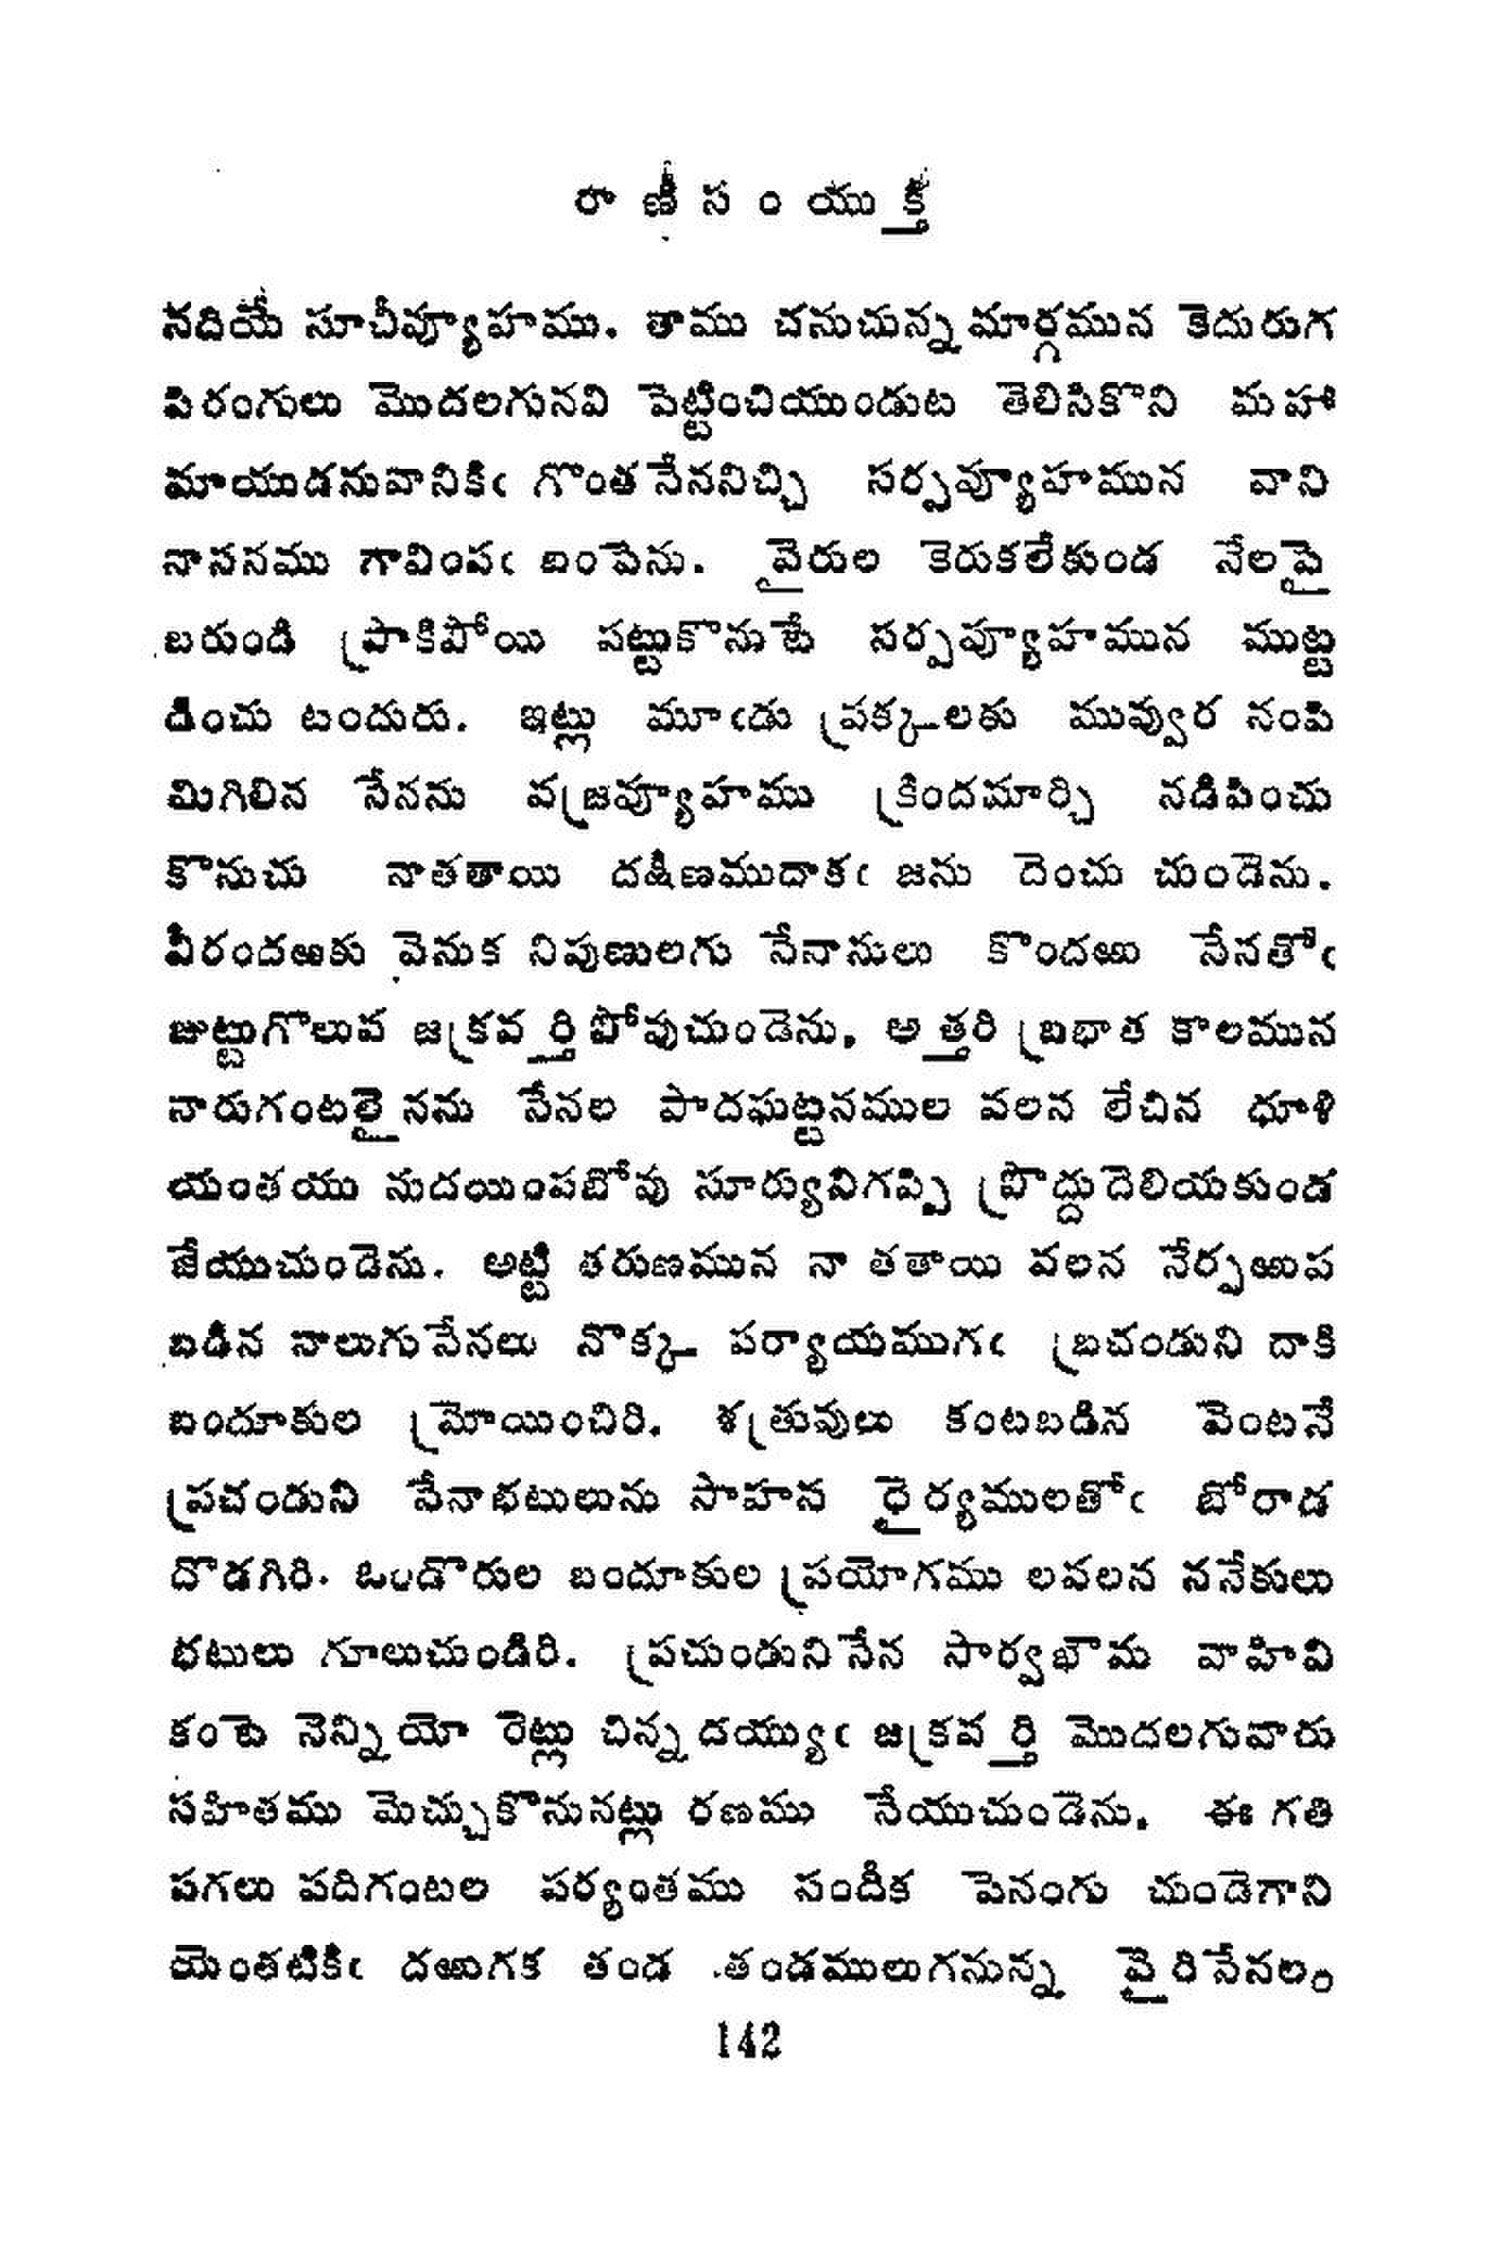నదియే సూచీవ్యూహము. తాము చనుచున్న మార్గమున కెదురుగ పిరంగులు మొదలగునవి పెట్టించియుండుట తెలిసికొని మహా మాయుడనువానికిఁ గొంతసేననిచ్చి సర్పవ్యూహమున వాని నాసనము గావింపఁ బంపెను. వైరుల కెరుకలేకుండ నేలపై బరుండి ప్రాకిపోయి పట్టుకొనుటే సర్పప్యూహమున ముట్టడించు టందురు. ఇట్లు మూఁడు ప్రక్కలకు మువ్వుర నంపి మిగిలిన సేనను వజ్రవ్యూహము క్రిందమార్చి నడిపించుకొనుచు నాతతాయి దక్షిణముదాకఁ జను దెంచు చుండెను. వీరందఱకు వెనుక నిపుణులగు సేనానులు కొందఱు సేనతోఁ జుట్టుగొలువ జక్రవర్తి పోవుచుండెను. అత్తరి బ్రభాత కాలమున నారుగంటలైనను సేనల పాదఘట్టనముల వలన లేచిన ధూళి యంతయు నుదయింపబోవు సూర్యునిగప్పి ప్రొద్దుదెలియకుండ జేయుచుండెను. అట్టి తరుణమున నా తతాయి వలన నేర్పఱుపబడిన నాలుగుసేనలు నొక్క పర్యాయముగఁ బ్రచండుని దాకి బందూకుల మ్రోయించిరి. శత్రువులు కంటబడిన వెంటనే ప్రచండుని సేనాభటులును సాహస ధైర్యములతోఁ బోరాడ దొడగిరి. ఒండొరుల బందూకుల ప్రయోగము లవలన ననేకులు భటులు గూలుచుండిరి. ప్రచుండుని నేన సార్వభౌమ వాహిని కంటె నెన్ని యో రెట్లు చిన్న దయ్యుఁ జక్రవర్తి మొదలగువారు సహితము మెచ్చుకొనునట్లు రణము సేయుచుండెను. ఈ గతి పగలు పదిగంటల పర్యంతము సందీక పెనంగు చుండెగాని యెంతటికిఁ దఱుగక తండ తండములుగనున్న వైరిసేనలం